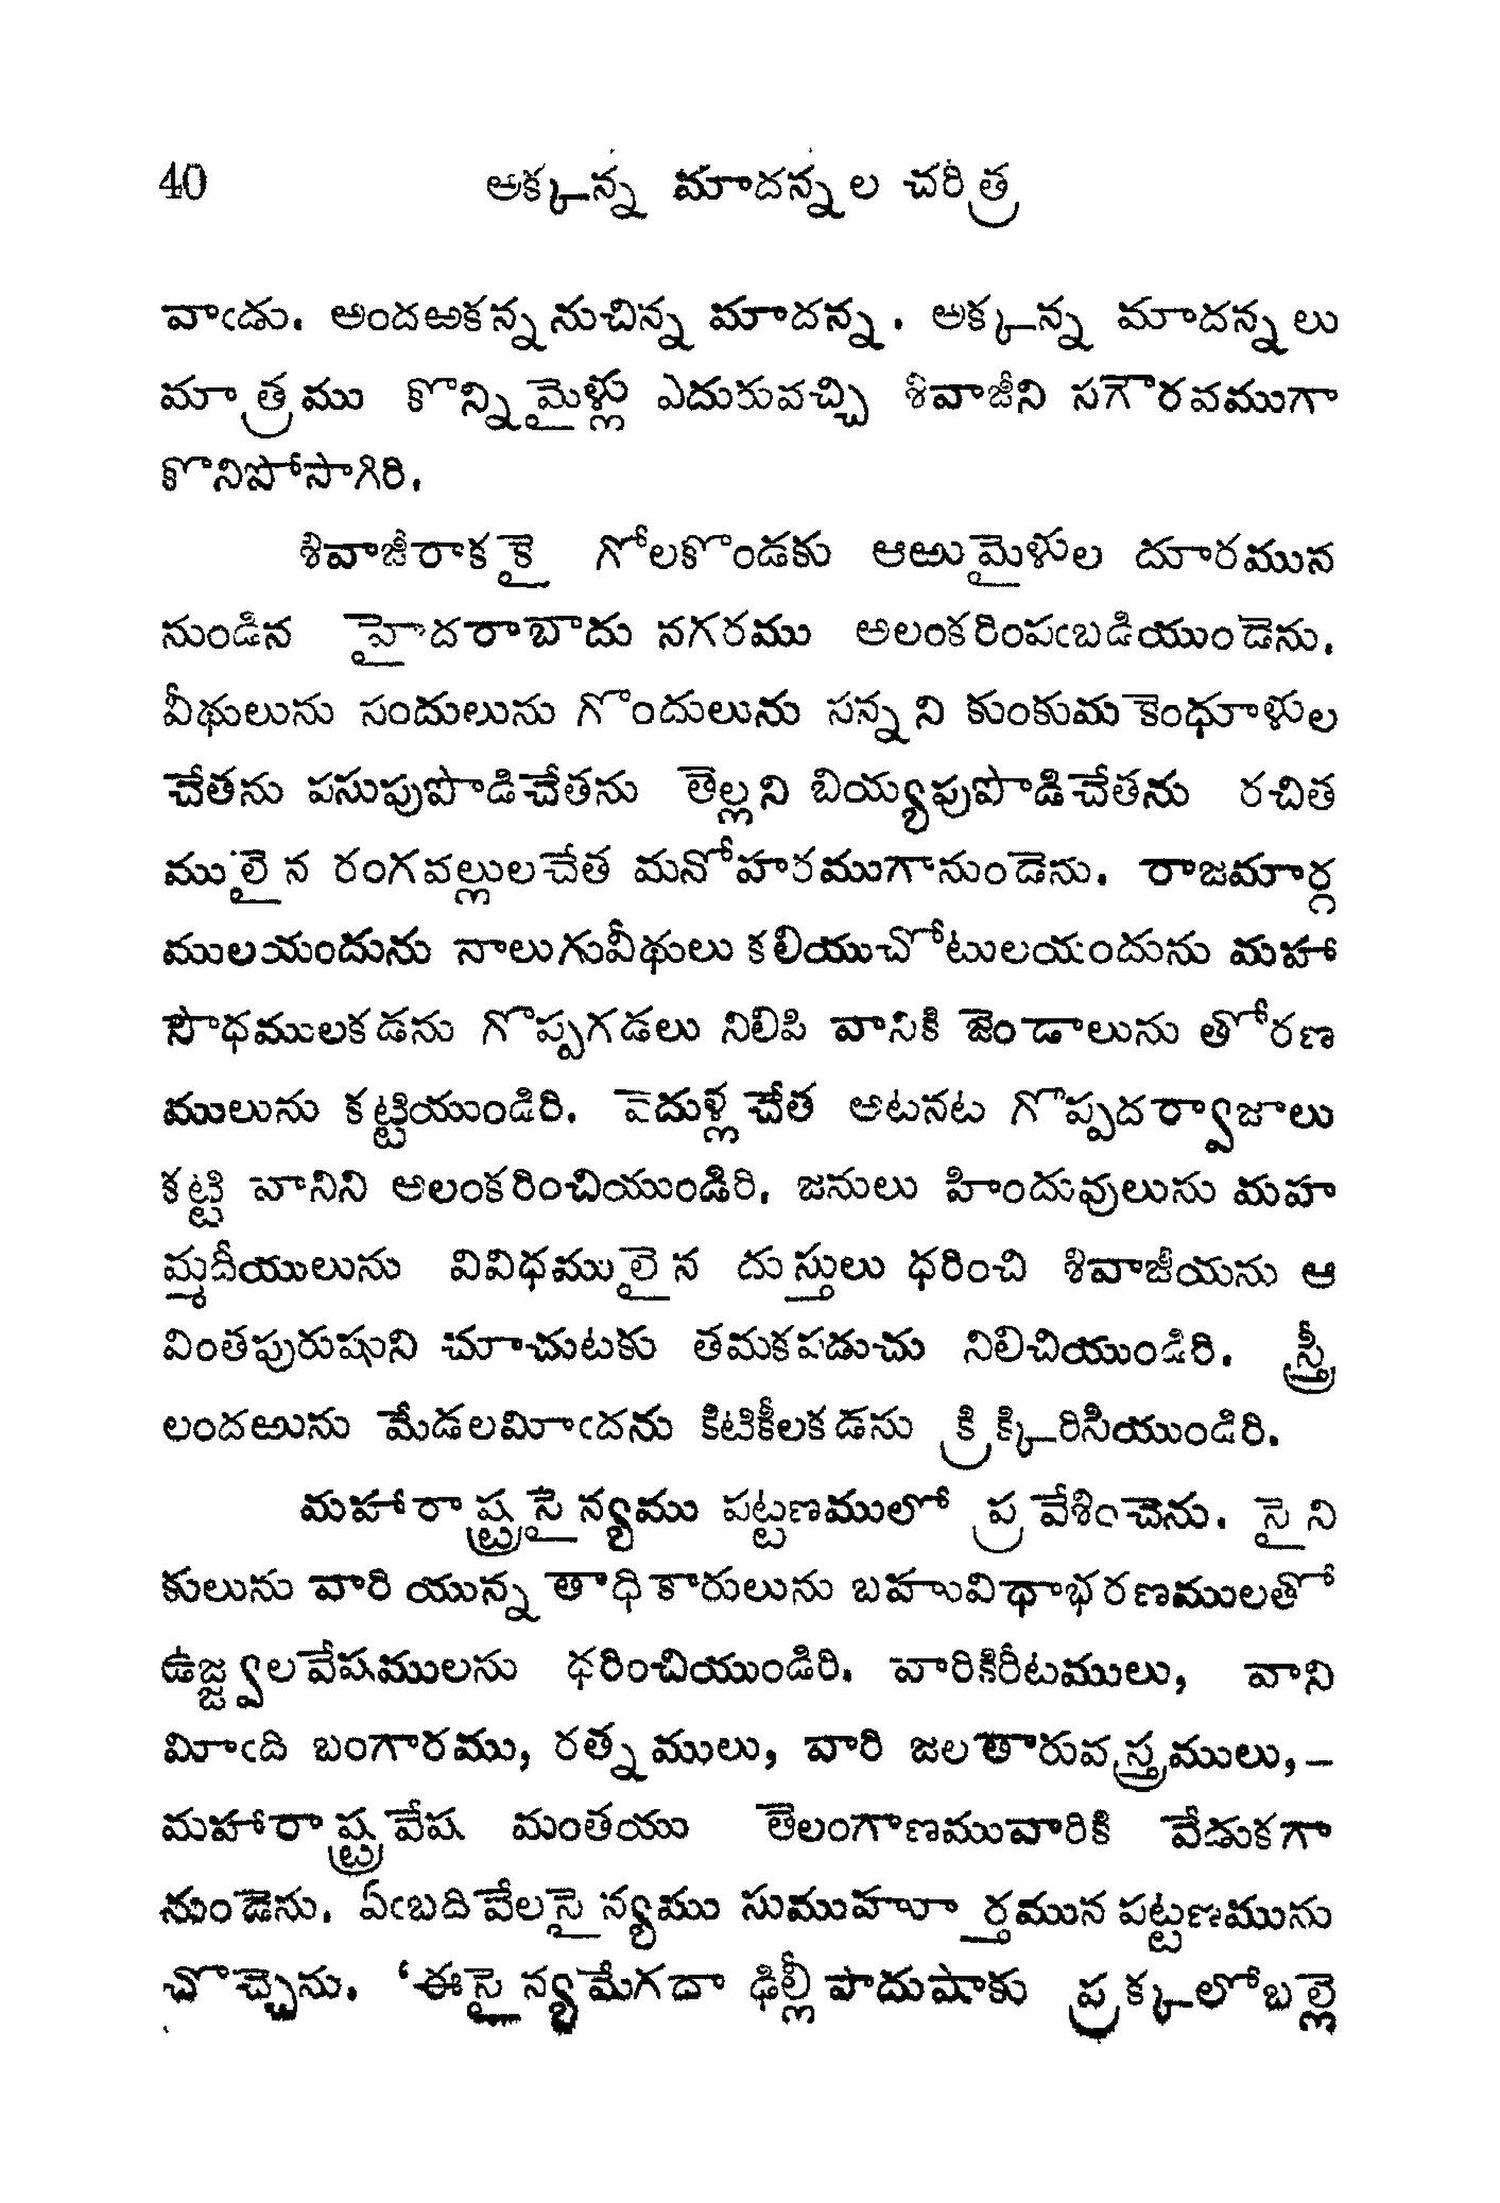వాఁడు. అందఱకన్ననుచిన్న మాదన్న. అక్కన్న మాదన్నలు మాత్రము కొన్నిమైళ్లు ఎదురువచ్చి శివాజీని సగౌరవముగా కొనిపోసాగిరి.

శివాజీరాకకై గోలకొండకు ఆఱుమైళుల దూరమున నుండిన హైదరాబాదు నగరము అలంకరింపఁబడియుండెను. వీథులును సందులును గొందులును సన్నని కుంకుమకెంధూళులచేతను పసుపుపొడిచేతను తెల్లని బియ్యపుపొడిచేతను రచితములైన రంగవల్లులచేత మనోహరముగానుండెను. రాజమార్గములయందును నాలుగువీథులు కలియుచోటులయందును మహా సౌధములకడను గొప్పగడలు నిలిపి వానికి జెండాలును తోరణములును కట్టియుండిరి. వెదుళ్లచేత అటనట గొప్పదర్వాజాలు కట్టి వానిని అలంకరించియుండిరి. జనులు హిందువులును మహమ్మదీయులును వివిధములైన దుస్తులు ధరించి శివాజీయను ఆ వింతపురుషుని చూచుటకు తమకపడుచు నిలిచియుండిరి. స్త్రీ లందఱును మేడలమీఁదను కిటికీలకడను క్రిక్కిరిసియుండిరి.

మహారాష్ట్రసైన్యము పట్టణములో ప్రవేశించెను. సైనికులును వారి యున్నతాధికారులును బహువిధాభరణములతో ఉజ్జ్వలవేషములను ధరించియుండిరి. వారికిరీటములు, వాని విూఁది బంగారము, రత్నములు, వారి జలతారువస్త్రములు, మహారాష్ట్రవేష మంతయు తెలంగాణమువారికి వేడుకగా నుండెను. ఏఁబదివేలసైన్యము సుముహూర్తమున పట్టణమును చొచ్చెను. ‘ఈసైన్యమేగదా ఢిల్లీపాదుషాకు ప్రక్కలోబల్లె